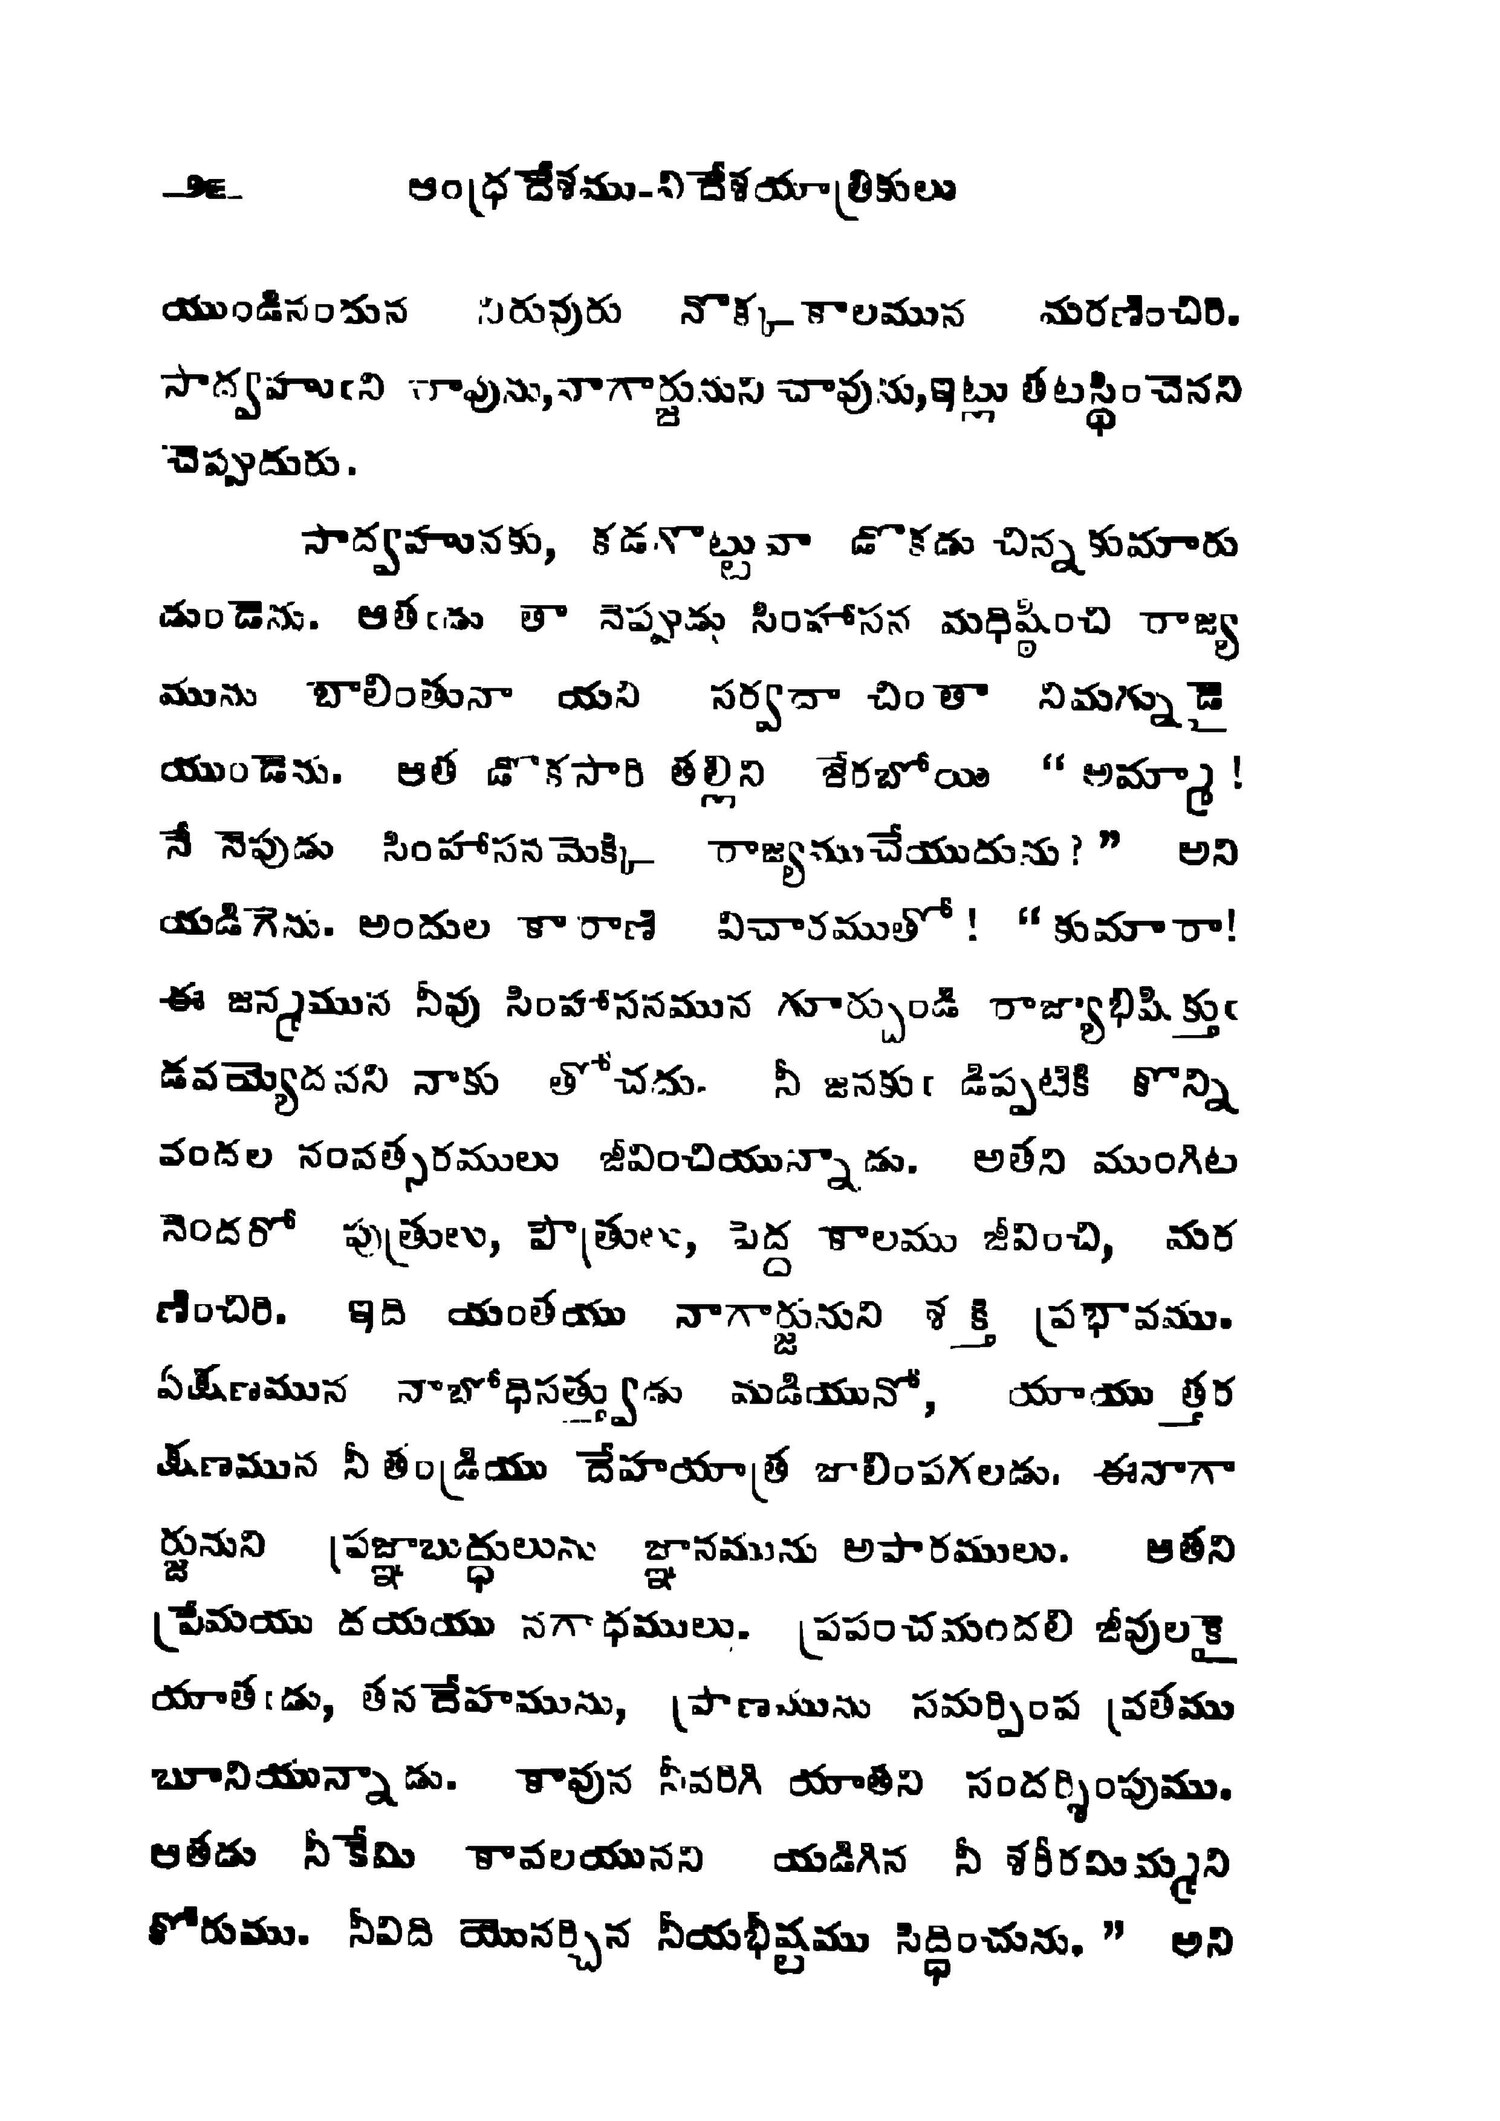యుండినను నిరువురు నొక్క కాలమున మరణించిరి. సాద్వహుని చావును, నాగార్జునుని చావును, ఇట్లు తటస్థించెనని చెప్పుదురు.

సాద్వహునకు, కడగొట్టు వాడొకడు చిన్నకుమారుడుండెను. అతడు తా నెప్పుడు సింహాసన మధిష్ఠించి రాజ్యమును బాలింతునా యని సర్వాదా చింతా నిమగ్నుడై యుండెను. ఆత డొకసారి తల్లిని జేరబోయి "అమ్మా! నేనెపుడు సింహాసనమెక్కి రాజ్యము చేయుదును?" అని యడిగెను. అందుల కారాణి విచారముతో! "కుమారా! ఈ జన్మమున నీవు సింహాసనమున గూర్చుండి రాజ్యాభిషిక్తు డవయ్యెదవని నాకు తోచదు. నీ జనకుడిప్పటికి కొన్నివందల సంవత్సరములు జీవించియున్నాడు. అతనిముంగిట నెందరో పుత్రులు, పౌత్రులు, పెద్ద కాలము జీవించి, మరణించిరి. ఇది యంతయు నాగార్జునుని శక్తి ప్రభావము. ఏక్షణమున నాబోధిసత్త్వుడు మడియునో. యా యుత్తర క్షణమున నీతండ్రియు దేహయాత్ర జాలింపగలడు. ఈనాగార్జునుని ప్రజ్ఞాబుద్ధులును, జ్ఞానమును అపారములు. అతని ప్రేమయు దయయు నగాధములు. ప్రపంచమందలి జీవులకై యాతడు, తన దేహమును, ప్రాణమును సమర్పింప వ్రతము బూనియున్నాడు. కావున నీవరిగి యాతని సందర్శింపుము. అతడు నీకేమి కావలయునని యడిగిన నీశరీరమిమ్మని కోరుము. నీవిది యొనర్చిన నీయభీష్టము సిద్ధించును." అని